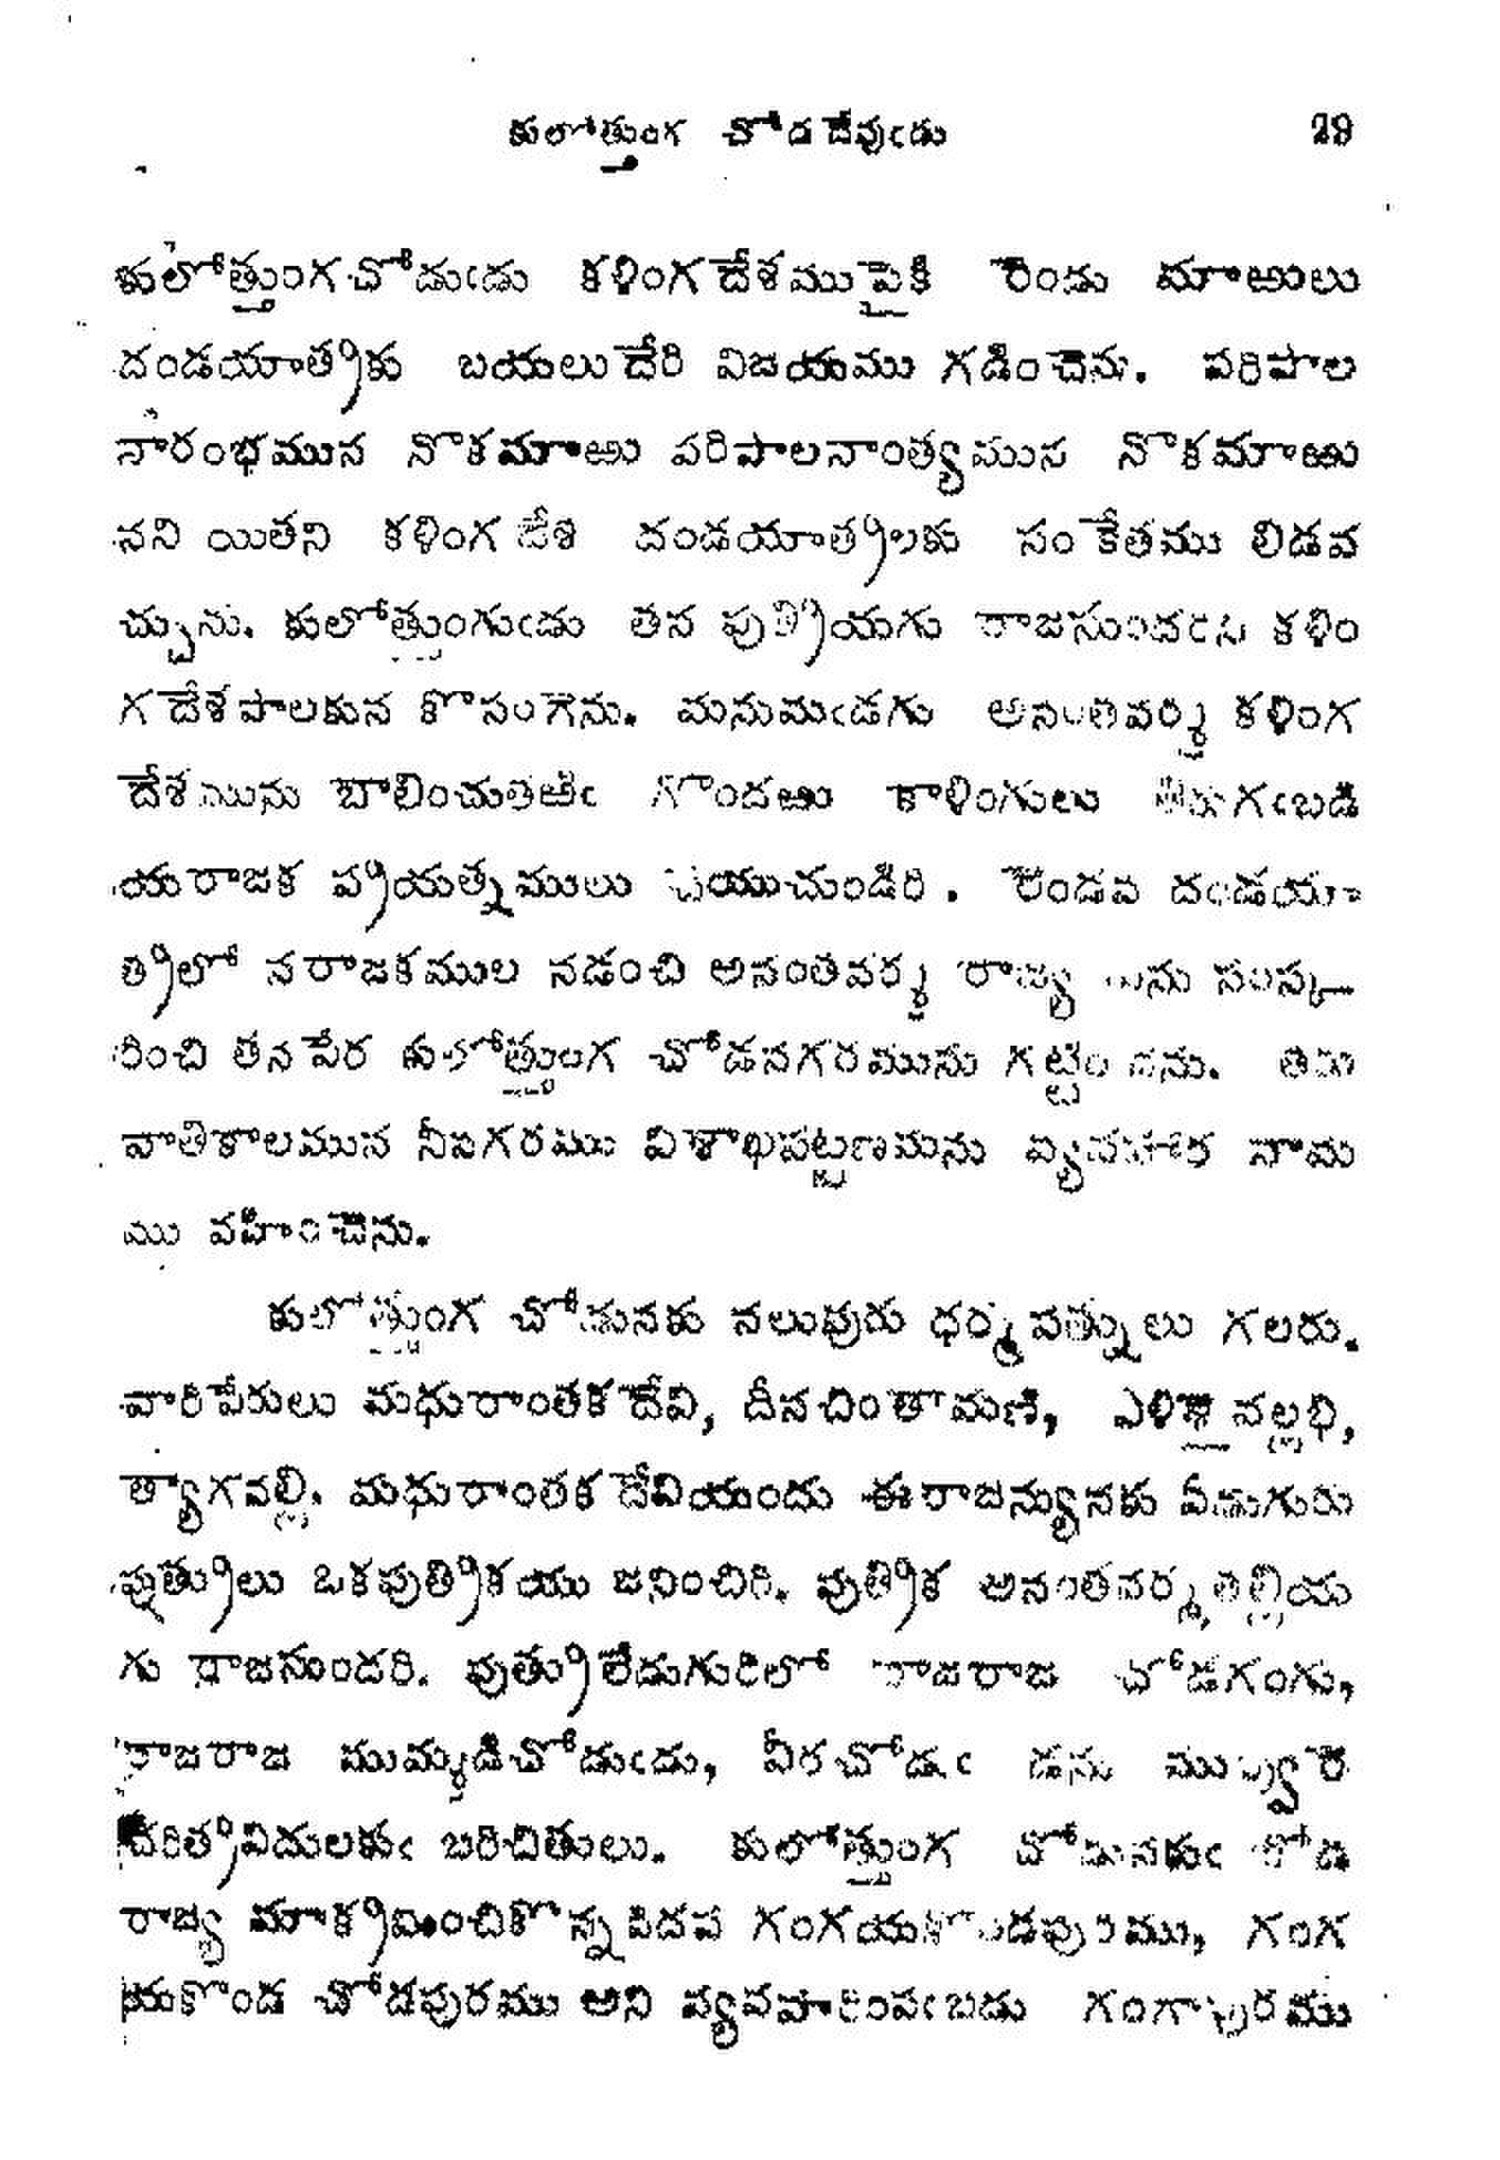కులోత్తుంగచోడుడు కళింగదేశముపైకి రెండు మాఱులు దండయాత్రకు బయలుదేరి విజయము గడించెను. పరిపాల నారంభమున నొకమాఱు పరిపాలనాంత్యమున నొకమాఱు నని యితని కళింగ దేశ దండయాత్రలకు సంకేతము లిడవచ్చును. కులోత్తుంగుడు తన పుత్రియగు రాజసుందరిని కళింగదేశపాలకున కొసంగెను. మనుమడగు అనంతవర్మ కళింగ దేశమును బాలించుతఱి గొందఱు కాళింగులు తిరుగబడి యరాజక ప్రయత్నములు చేయుచుండిరి. రెండవ దండయాత్రలో నరాజకముల నడంచి అనంతవర్మ రాజ్యమును సంస్కరించి తనపేర కులోత్తుంగ చోడనగరమును గట్టించెను. తరువాతి కాలమున నీనగరము విశాఖపట్టణమను వ్యవహార నామము వహించెను.

కులోత్తుంగ చోడునకు నలువురు ధర్మపత్నులు గలరు. వారిపేరులు మధురాంతక దేవి, దీన చింతామణి, ఎళిశైవల్లభి, త్యాగవల్లి. మధురాంతక దేవియందు ఈరాజన్యునకు ఏడుగురు పుత్రులు ఒకపుత్రియు జనించిరి. పుత్రిక అనంతవర్మ తల్లియగు రాజసుందరి. పుత్రు లేడుగురిలో రాజరాజ చోడగంగు, రాజరాజ ముమ్మడిచోడుడు, వీరచోడు డను మువ్వురె చరిత్రవిదులకు బరిచితులు. కులోత్తుంగ చోడునకు జోడరాజ్య మాక్రమించికొన్న పిదప గంగయకొండపురము, గంగయకొండ చోడపురము అని వ్యవహరింపబడు గంగాపురము